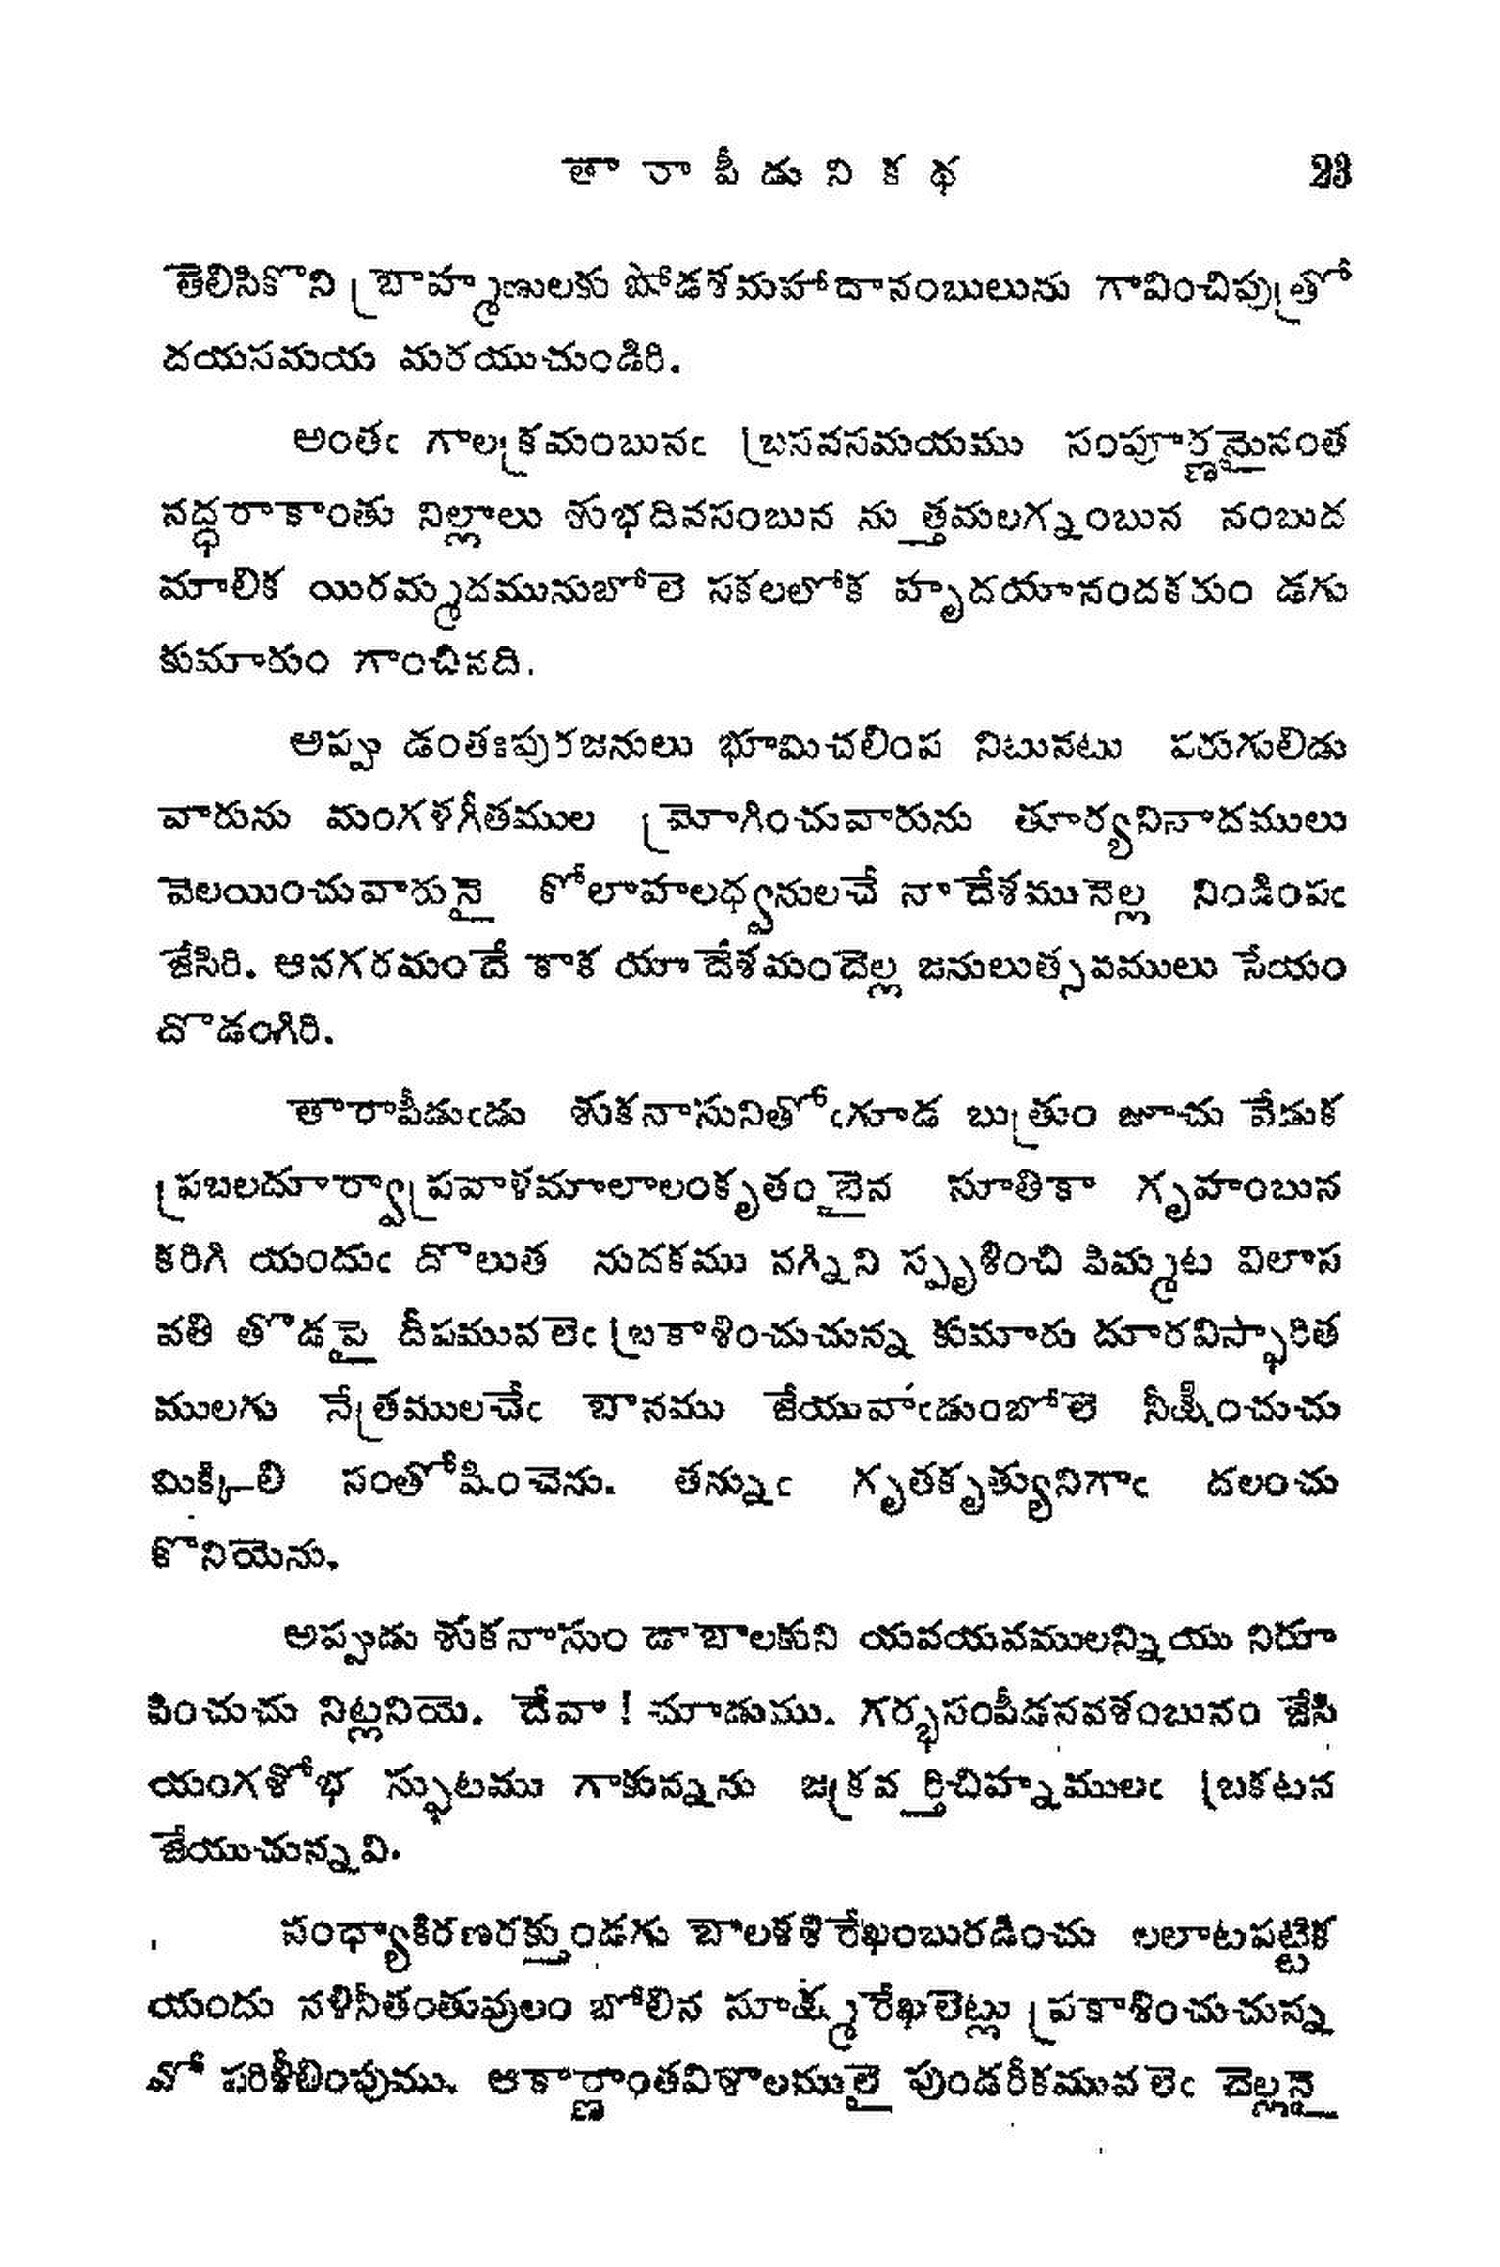తెలిసికొని బ్రాహ్మణులకు షోడశమహాదానంబులును గావించిపుత్రోదయసమయ మరయుచుండిరి.

అంతఁ గాలక్రమంబునఁ బ్రసవసమయము సంపూర్ణమైనంత నద్ధరాకాంతు నిల్లాలు శుభదినంబున నుత్తమలగ్నంబున నంబుద మాలిక యిరమ్మదమునుబోలే సకలలోక హృదయానందకరుం డగు కుమారుం గాంచినది.

అప్పు డంతఃపురజనులు భూమిచలింప నిటునటు పరుగులిడు వారును మంగళగీతముల మ్రోగించువారును తూర్యనినాదములు వెలయించువారునై కోలాహలధ్వనులచే నాదేశమునెల్ల నిండింపఁ జేసిరి. ఆనగరమందే కాక యా దేశమందెల్ల జనులుత్సవములు సేయం దొడంగిరి.

తారాపీడుఁడు శుకనాసునితోఁగూడ బుత్రుం జూచు వేడుక ప్రబలదూర్వాప్రవాళమాలాలంకృతంబైన సూతికా గృహంబున కరిగి యందుఁ దొలుత నుదకము నగ్నిని స్పృశించి పిమ్మట విలాసవతి తొడపై దీపమువలెఁ బ్రకాశించుచున్న కుమారు దూరవిస్ఫారితములగు నేత్రములచేఁ బానము జేయువాఁడుంబోలె నీక్షించుచు మిక్కిలి సంతోషించెను. తన్నుఁ గృతకృత్యునిగాఁ దలంచు కొనియెను.

అప్పుడు శుకనాసుం డాబాలకుని యవయవములన్నియు నిరూపించుచు నిట్లనియె. దేవా! చూడుము. గర్భసంపీడనవశంబునం జేసి యంగశోభ స్ఫుటము గాకున్నను జక్రవర్తిచిహ్నములఁ బ్రకటన జేయుచున్నవి.

సంధ్యాకిరణరక్తుండగు బాలశశిరేఖంబురడించు లలాటపట్టిక యందు నళినీతంతువులం బోలిన సూక్ష్మ రేఖలెట్లు ప్రకాశించుచున్నవో పరిశీలింపుము. ఆకార్ణాంతవిశాలములై పుండరీకమువలెఁ దెల్లనై